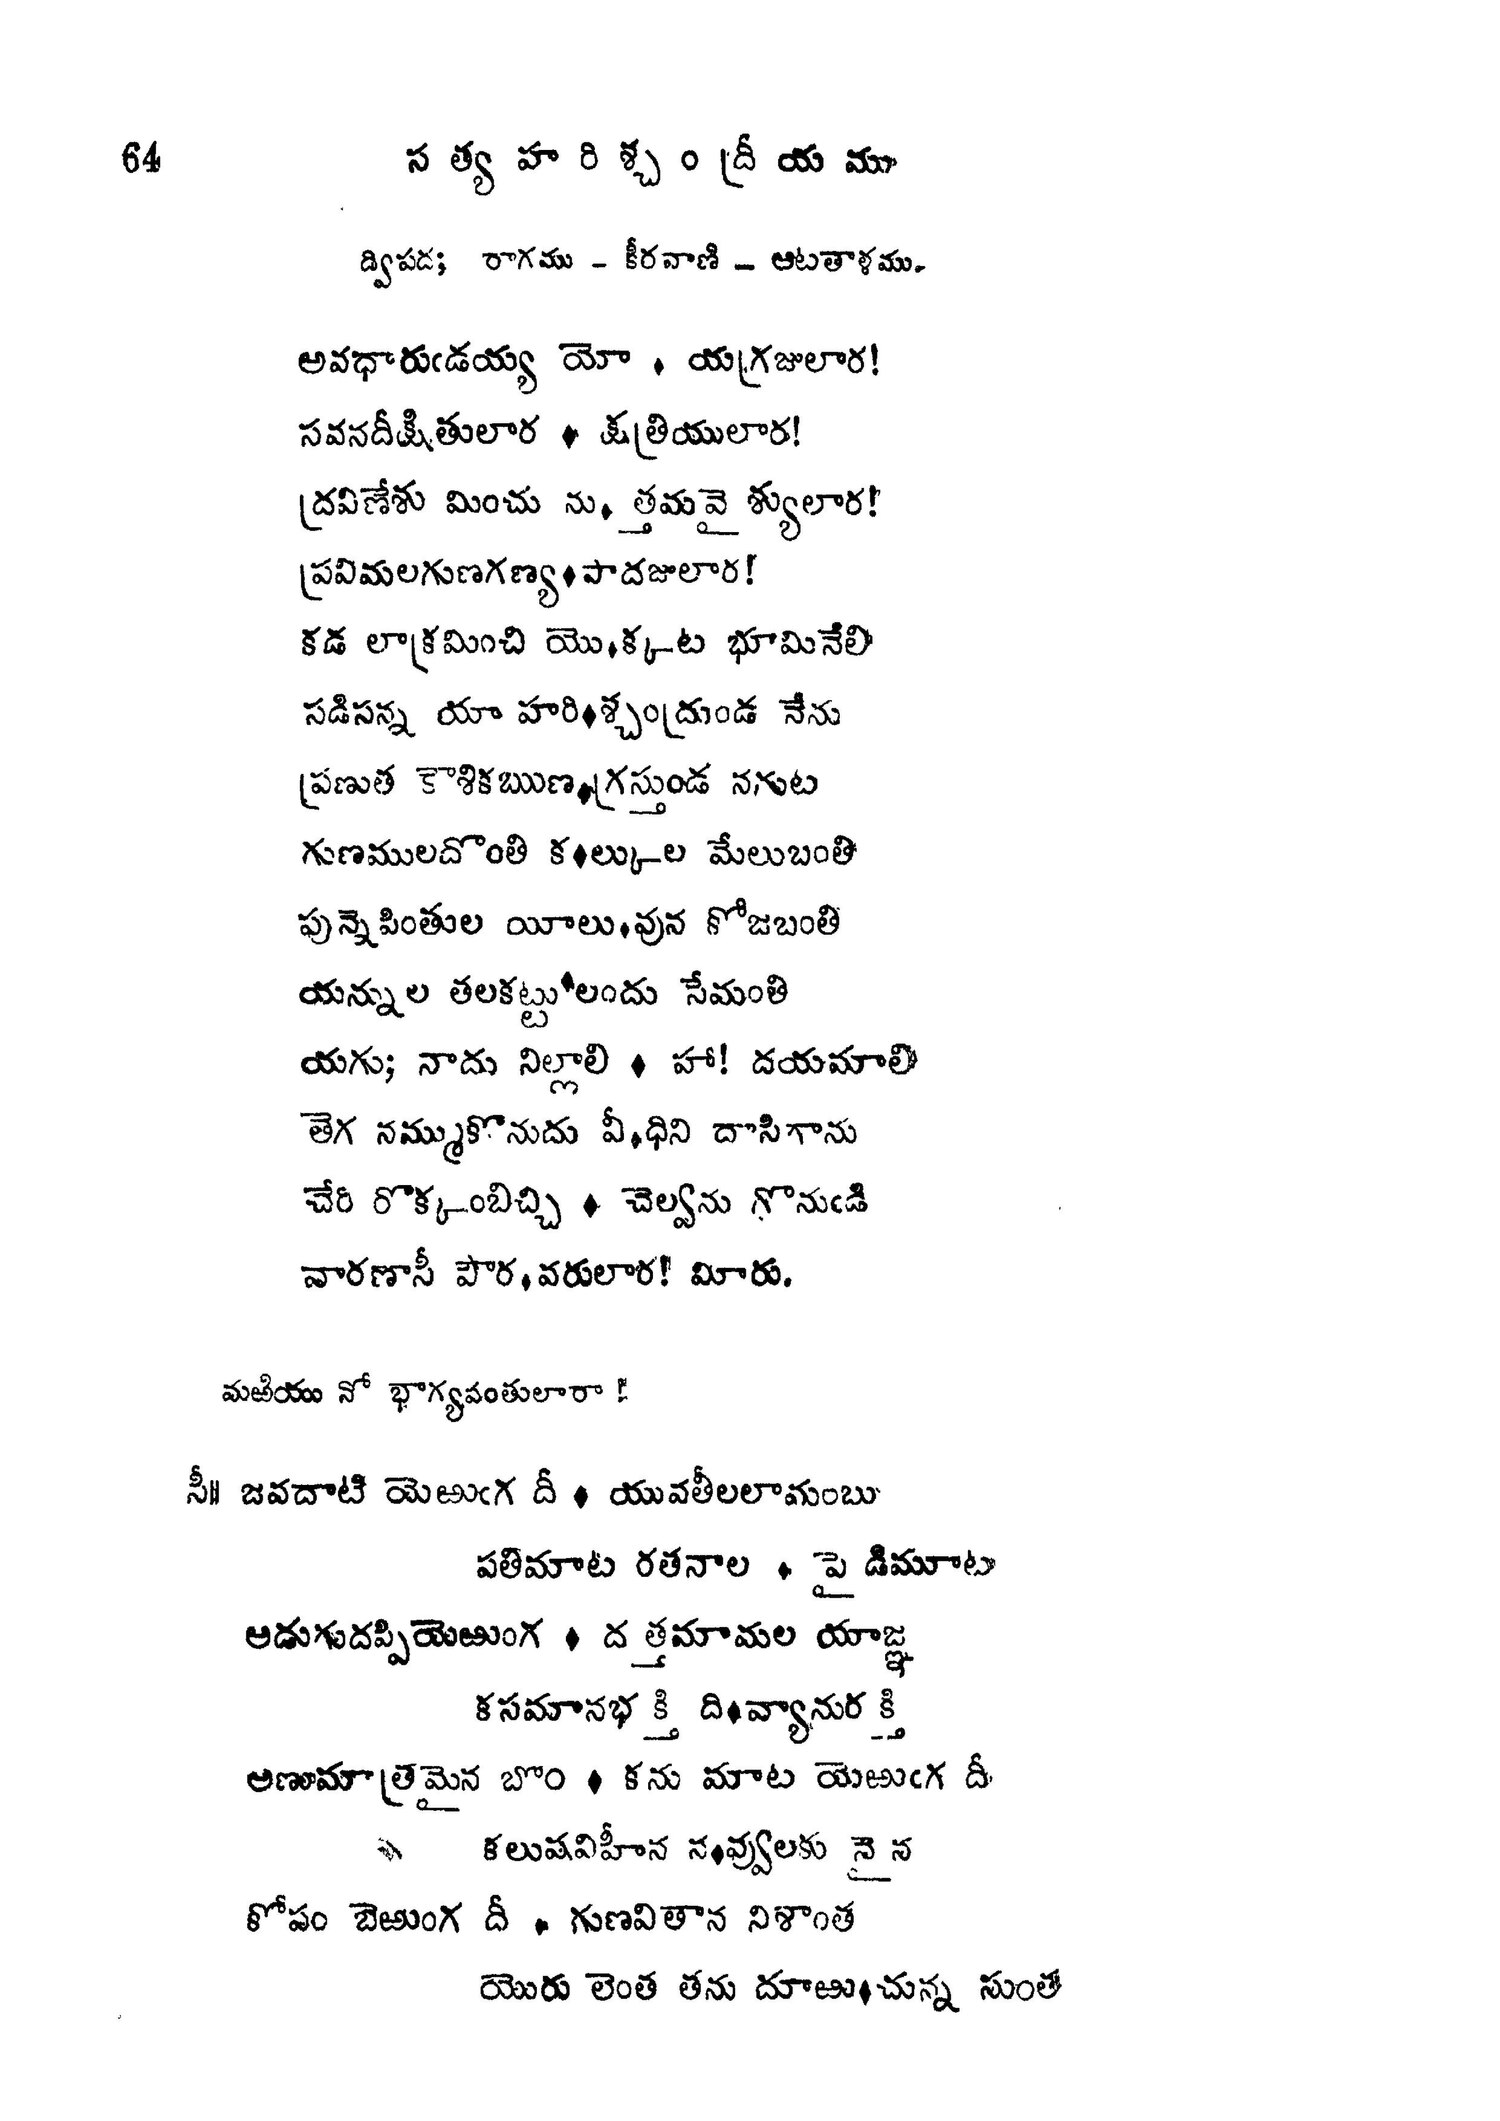అవధారుడయ్య యో యగ్రజులార!
సవనదీక్షితులార! క్షత్రియులార!
ప్రవిమల గుణగణ్య పాదజులార!
కడలాక్రమించి యొక్కట భూమి నేలి
సడినున్న యీ హరిశ్చంద్రుడ నగుట
ప్రణుత కౌశిక ఋణగ్రస్తుండ నగుట
గుణములదొంతి పల్కులమేలుబంతి
పున్నె పింతుల యీలు పున కోజబంతి
యన్నుల తలకట్టు లందు సేమంతి
యగు నాదు నిల్లాలి హా! దయమాలి
తెగ నమ్ముకొందు వీధిని దాసిగాను
చేరి రొక్కంబిచ్చి చెల్వను గొనుడి
వారణాసీ పౌర వరులార! మీరు.

మఱియు నో సౌభాగ్యమహితాత్ములార!

సీ. జవదాటి యెఱుగ దీ యువతీలలామంబు 
 పతిమాట రతనాల పైడిమూట
అడుగుదప్పి యెఱుంగ దత్తమామల యాజ్ఞ 
 కసమానభక్తి దివ్యానురక్తి
అణుమాత్రమైన బొంకనుమాట యెఱుగ దీ 
 కలుష విహీన నవ్వులకు నైన
కోపం బెఱుంగ దీ గుణవితాన నితాంత 
 యొరులెంత తన్ను దూఱుచున్న సుంత